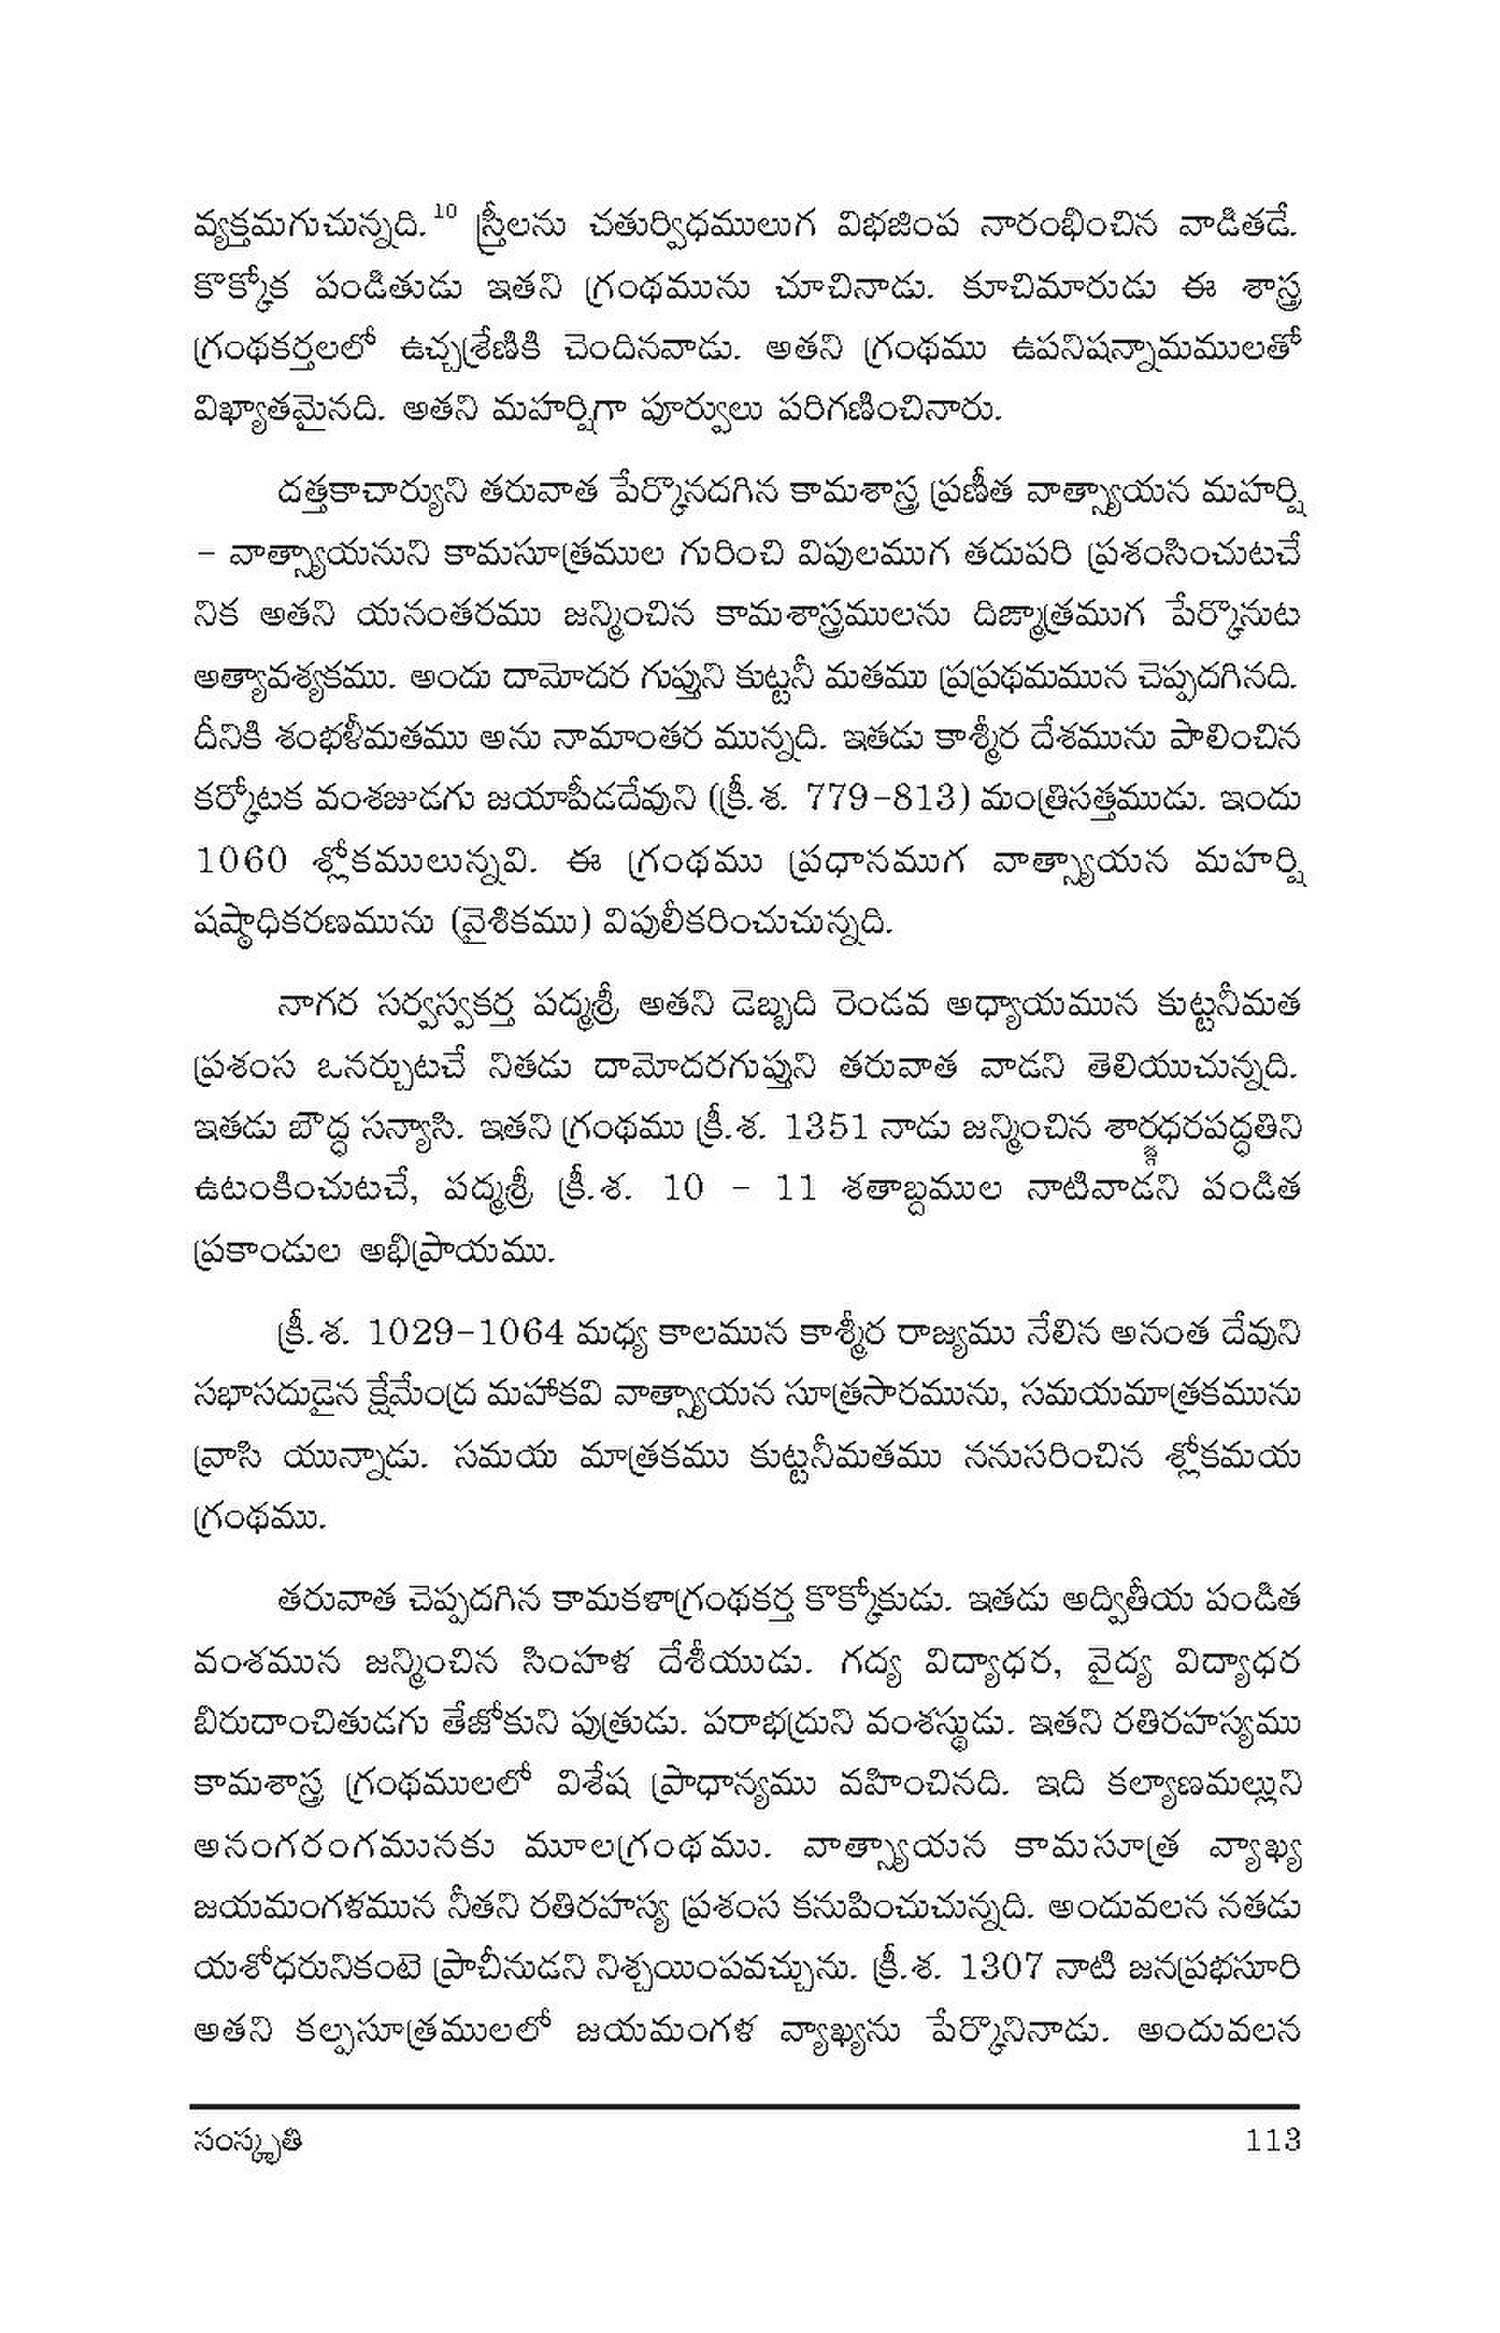వ్యక్తమగుచున్నది. స్త్రీలను చతుర్విధములుగ విభజింప నారంభించిన వాడితడే.
కొక్కోక పండితుడు ఇతని గ్రంథమును చూచినాడు. కూచిమారుడు ఈ శాస్త్ర
గ్రంథకర్తలలో ఉచ్ఛశ్రేణికి చెందినవాడు. అతని గ్రంథము ఉపనిషన్నామములతో
విఖ్యాతమైనది. అతని మహర్షిగా పూర్వులు పరిగణించినారు.

దత్తకాచార్యుని తరువాత పేర్కొనదగిన కామశాస్త్ర ప్రణీత వాత్స్యాయన మహర్షి
వాత్స్యాయనుని కామసూత్రములు గురించి విపులముగ తదుపరి ప్రశంసించుటచే
నిక అతని యనంతరము జన్మించిన కామశాస్త్రములను దిజ్మాత్రముగ పేర్కొనుట
అత్యావశ్యకము. అందు దామోదర గుప్తుని కుట్టనీ మతము ప్రప్రథమమున చెప్పదగినది.
దీనికి శంభళీమతము అను నామాంతర మున్నది. ఇతడు కాశ్మీర దేశమును పాలించిన
కర్కోటక వంశజుడగు జయాపీడదేవుని (క్రీ.శ. 779-813) మంత్రిసత్తముడు. ఇందు
1060 శ్లోకములున్నవి. ఈ గ్రంథము ప్రధానముగ వాత్స్యాయన మహర్షి
షష్ఠాధికరణమును (వైశికము) విపులీకరించుచున్నది.

నాగర సర్వస్వకర్త పద్మశ్రీ అతని డెబ్బది రెండవ అధ్యాయమున కుట్టనీమత
ప్రశంస ఒనర్చుటచే నితడు దామోదరగుప్తుని తరువాత వాడని తెలియుచున్నది.
ఇతడు బౌద్ధ సన్యాసి. ఇతని గ్రంథము క్రీ.శ. 1351 నాడు జన్మించిన శార్ఙ్గ ధరపద్ధతిని
ఉటంకించుటచే, పద్మశ్రీ క్రీ.శ. 10 - 11 శతాబ్దముల నాటివాడని పండిత
ప్రకాండుల అభిప్రాయము.

క్రీ.శ. 1029-1064 మధ్య కాలమున కాశ్మీర రాజ్యము నేలిన అనంత దేవుని
సభాసదుడైన క్షేమేంద్ర మహాకవి వాత్స్యాయన సూత్రసారమును, సమయమాత్రకమును
వ్రాసి యున్నాడు. సమయ మాత్రకము కుట్టనీమతము ననుసరించిన శ్లోకమయ
గ్రంథము.

తరువాత చెప్పదగిన కామకళాగ్రంథకర్త కొక్కోకుడు. ఇతడు అద్వితీయ పండిత
వంశమున జన్మించిన సింహళ దేశీయుడు. గద్య విద్యాధర, వైద్య విద్యాధర
బిరుదాంచితుడగు తేజోకుని పుత్రుడు. పరాభద్రుని వంశస్థుడు. ఇతని రతిరహస్యము
కామశాస్త్ర గ్రంథములలో విశేష ప్రాధాన్యము వహించినది. ఇది కల్యాణమల్లుని
అనంగరంగమునకు మూలగ్రంథము. వాత్స్యాయన కామసూత్ర వ్యాఖ్య
జయమంగళమున నీతని రతిరహస్య ప్రశంస కనుపించుచున్నది. అందువలన నతడు
యశోధరునికంటె ప్రాచీనుడని నిశ్చయింపవచ్చును. క్రీ.శ. 1307 నాటి జనప్రభసూరి
అతని కల్పసూత్రములలో జయమంగళ వ్యాఖ్యను పేర్కొనినాడు. అందువలన